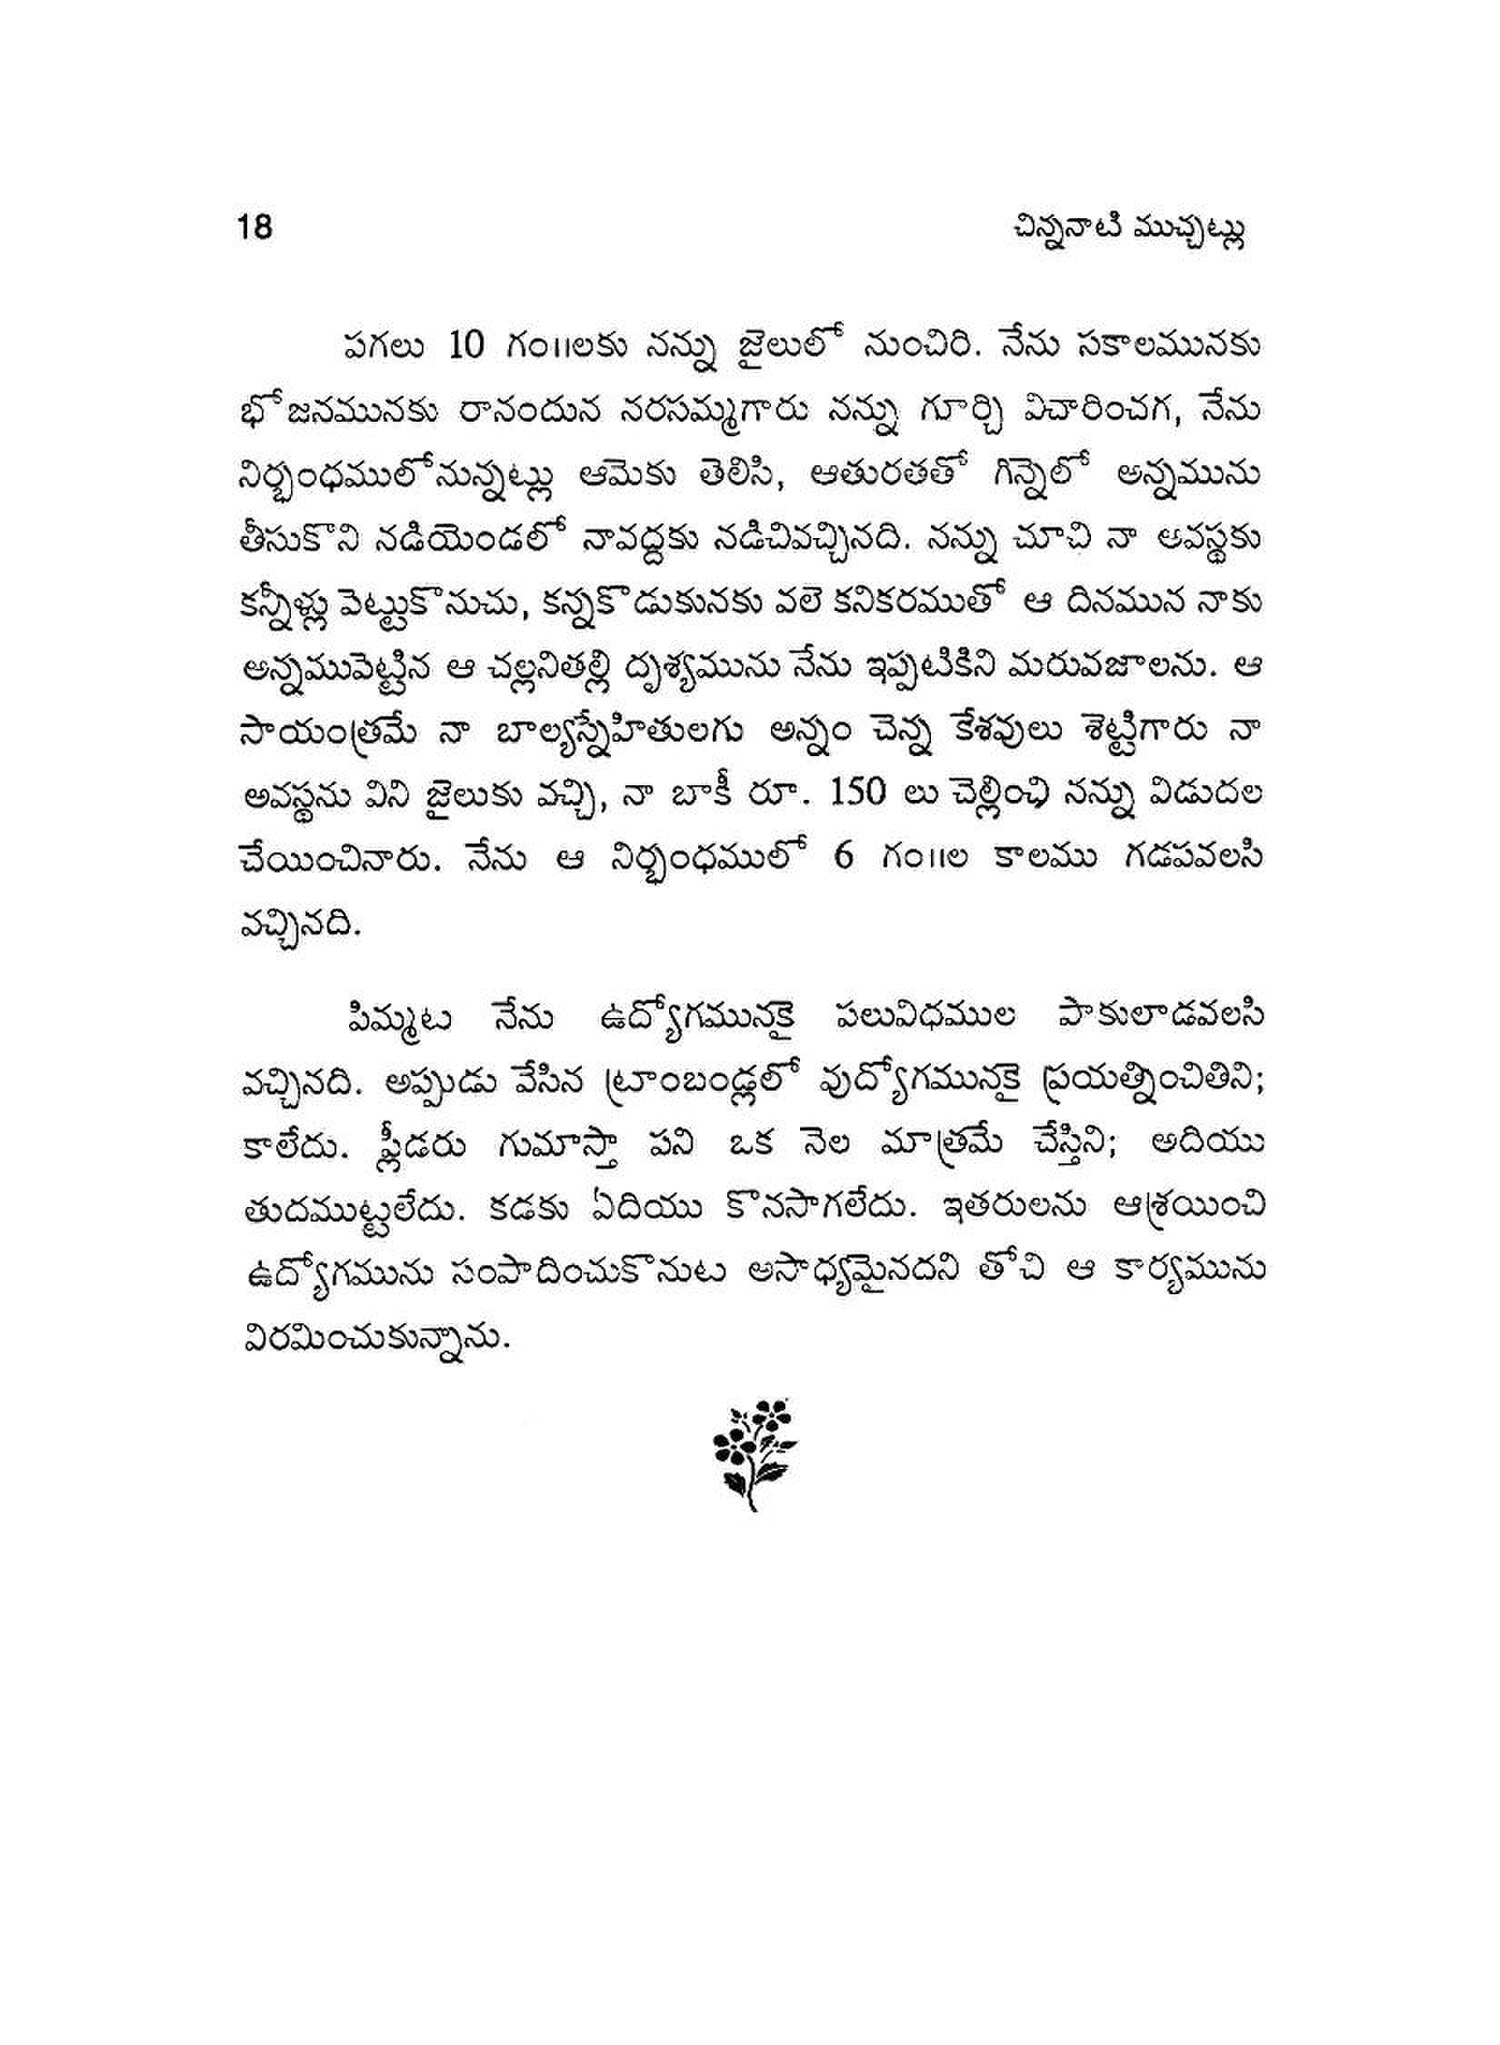పగలు 10 గం౹౹లకు నన్ను జైలులో నుంచిరి. నేను సకాలమునకు భోజనమునకు రానందున నరసమ్మగారు నన్ను గూర్చి విచారించగ, నేను నిర్బంధములోనున్నట్లు ఆమెకు తెలిసి, ఆతురతతో గిన్నెలో అన్నమును తీసుకొని నడియెండలో నావద్దకు నడిచివచ్చినది. నన్ను చూచి నా అవస్థకు కన్నీళ్లు పెట్టుకొనుచు, కన్నకొడుకునకు వలె కనికరముతో ఆ దినమున నాకు అన్నముపెట్టిన ఆ చల్లనితల్లి దృశ్యమును నేను ఇప్పటికిని మరువజాలను. ఆ సాయంత్రమే నా బాల్యస్నేహితులగు అన్నం చెన్నకేశవులు శెట్టిగారు నా అవస్థను విని జైలుకు వచ్చి, నా బాకీ రూ. 150 లు చెల్లింఛి నన్ను విడుదల చేయించినారు. నేను ఆ నిర్బంధములో 6 గం౹౹ల కాలము గడపవలసి వచ్చినది.

పిమ్మట నేను ఉద్యోగమునకై పలువిధముల పాకులాడవలసి వచ్చినది. అప్పడు వేసిన ట్రాంబండ్లలో వుద్యోగమునకై ప్రయత్నించితిని; కాలేదు. ప్లీడరు గుమాస్తా పని ఒక నెల మాత్రమే చేస్తిని; అదియు తుదముట్టలేదు. కడకు ఏదియు కొనసాగలేదు. ఇతరులను ఆశ్రయించి ఉద్యోగమును సంపాదించుకొనుట అసాధ్యమైనదని తోచి ఆ కార్యమును విరమించుకున్నాను.